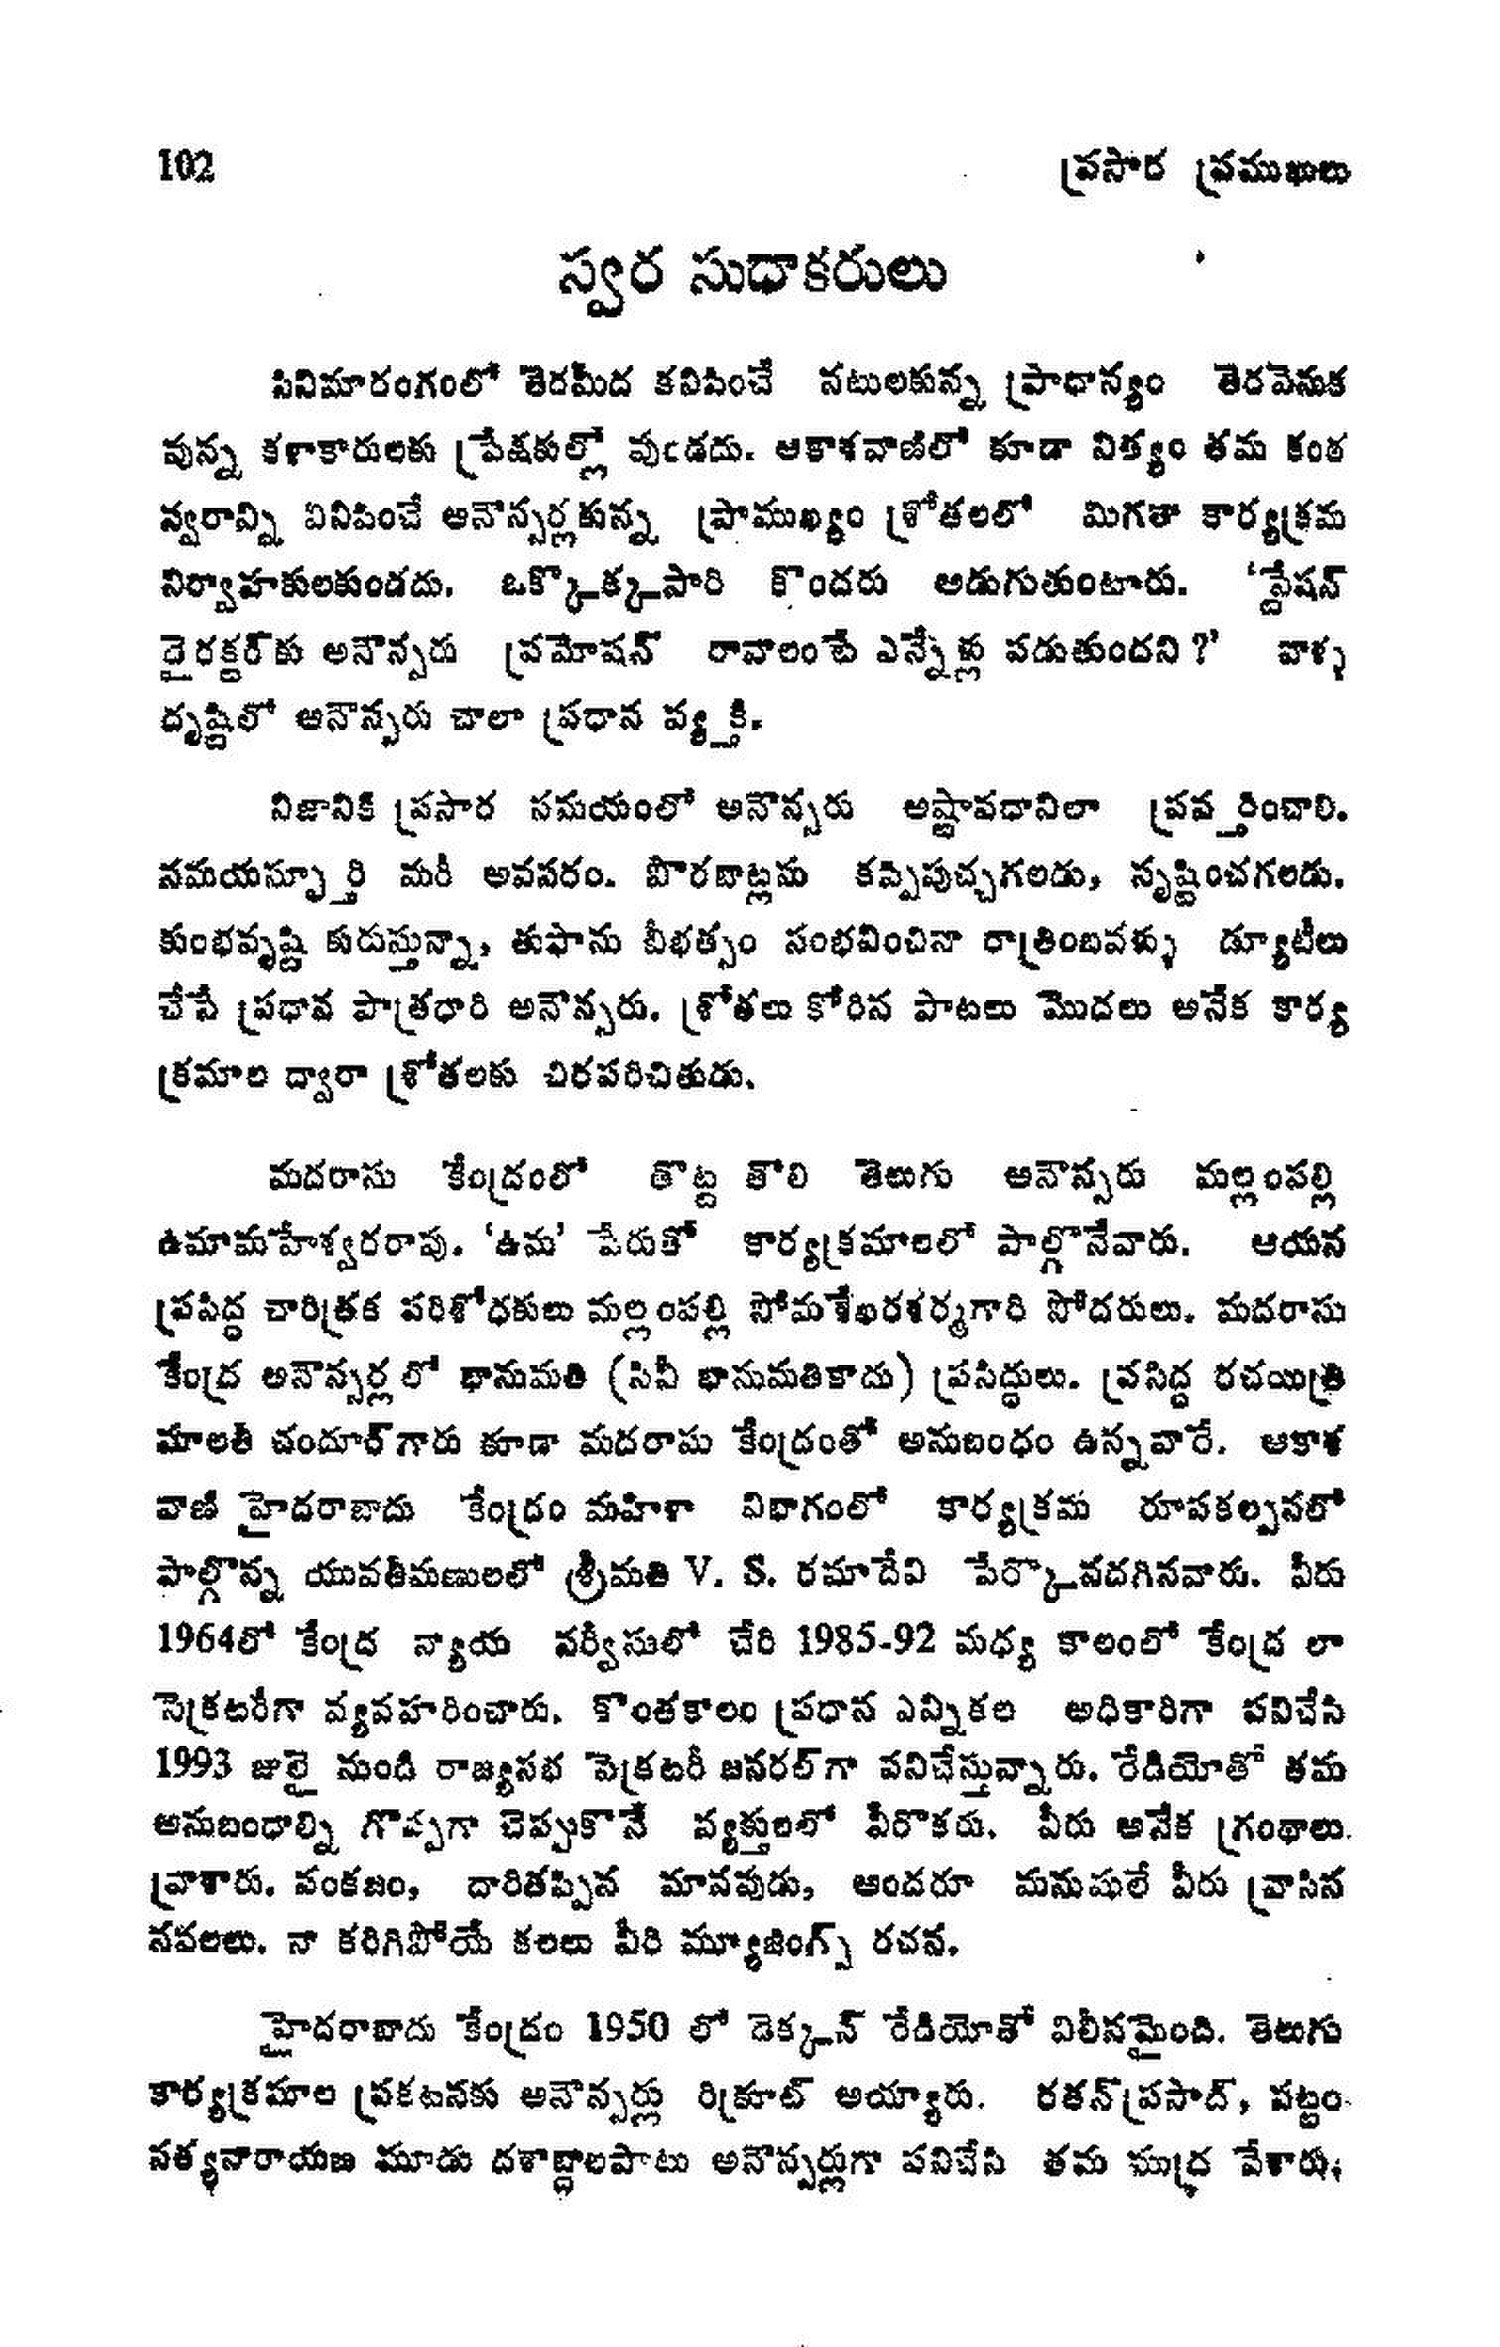సినిమారంగంలో తెరమీద కనిపించే నటులకున్న ప్రాధాన్యం తెరవెనుక వున్న కళాకారులకు ప్రేక్షకుల్లో వుండదు. ఆకాశవాణిలో కూడా నిత్యం తమ కంఠస్వరాన్ని వినిపించే అనౌన్సర్లకున్న ప్రాముఖ్యం శ్రోతలలో మిగతా కార్యక్రమ నిర్వాహకులకుండదు. ఒక్కొక్కసారి కొందరు అడుగుతుంటారు. ' స్టేషన్ డైరెక్టర్‌కు అనౌన్సరు ప్రమోషన్ రావాలంటే ఎన్నేళ్లు పడుతుందని? ' వాళ్ళ దృష్టిలో అనౌన్సరు చాలా ప్రధాన వ్యక్తి.

నిజానికి ప్రసార సమయంలో అనౌన్సరు అష్టావధానిలా ప్రవర్తించాలి. సమయస్ఫూర్తి మరీ అవసరం. పొరబాట్లను కప్పిపుచ్చగలడు, సృష్టించగలడు. కుంభవృష్టి కురుస్తున్నా, తుఫాను బీభత్సం సంభవించినా రాత్రింబవళ్ళు డ్యూటీలు చేసే ప్రధాన పాత్రధారి అనౌన్సరు. శ్రోతలు కోరిన పాటలు మొదలు అనేక కార్యక్రమాల ద్వారా శ్రోతలకు చిరపరిచితుడు.

మదరాసు కేంద్రంలో తొట్ట తొలి తెలుగు అనౌన్సరు మల్లంపల్లి ఉమామహేశ్వరరావు. 'ఉమ' పేరుతో కార్యక్రమాలలో పాల్గొనేవారు. ఆయన ప్రసిద్ధ చారిత్రక పరిశోధకులు మల్లంపల్లి సోమశేఖరశర్మగారి సోదరులు. మదరాసు కేంద్ర అనౌన్సర్లలో భానుమతి (సినీ భానుమతికాదు) ప్రసిద్ధులు. ప్రసిద్ధ రచయిత్రి మాలతీ చందూర్‌గారు కూడా మదరాసు కేంద్రంతో అనుబంధం ఉన్నవారే. ఆకాశవాణి హైదరాబాదు కేంద్రం మహిళా విభాగంలో కార్యక్రమ రూపకల్పనలో పాల్గొన్న యువతీమణులలో శ్రీమతి V. S. రమాదేవి పేర్కొనదగినవారు. వీరు 1964లో కేంద్ర న్యాయ సర్వీసులో చేరి 1985-92 మధ్య కాలంలో కేంద్ర లా సెక్రటరీగా వ్యవహరించారు. కొంతకాలం ప్రధాన ఎన్నికల అధికారిగా పనిచేసి 1993 జులై నుండి రాజ్యసభ సెక్రటరీ జనరల్‌గా పనిచేస్తున్నారు. రేడియోతో తమ అనుబంధాల్ని గొప్పగా చెప్పుకొనే వ్యక్తులలో వీరొకరు. వీరు అనేక గ్రంథాలు వ్రాశారు. పంకజం, దారితప్పిన మానవుడు, అందరూ మనుసులే వీరు వ్రాసిన నవలలు. నా కరిగిపోయే కలలు వీరి మ్యూజింగ్స్ రచన

హైదరాబాదు కేంద్రం 1950 లో డెక్కన్ రేడియోతో విలీనమైంది. తెలుగు కార్యక్రమాల ప్రకటనకు అనౌన్సర్లు రిక్రూట్ అయ్యారు. రతన్‌ప్రసాద్, వట్టం సత్యనారాయణ మూడు దశాబ్దాలపాటు అనౌన్సర్లుగా పనిచేసి తమ ముద్ర వేశారు.